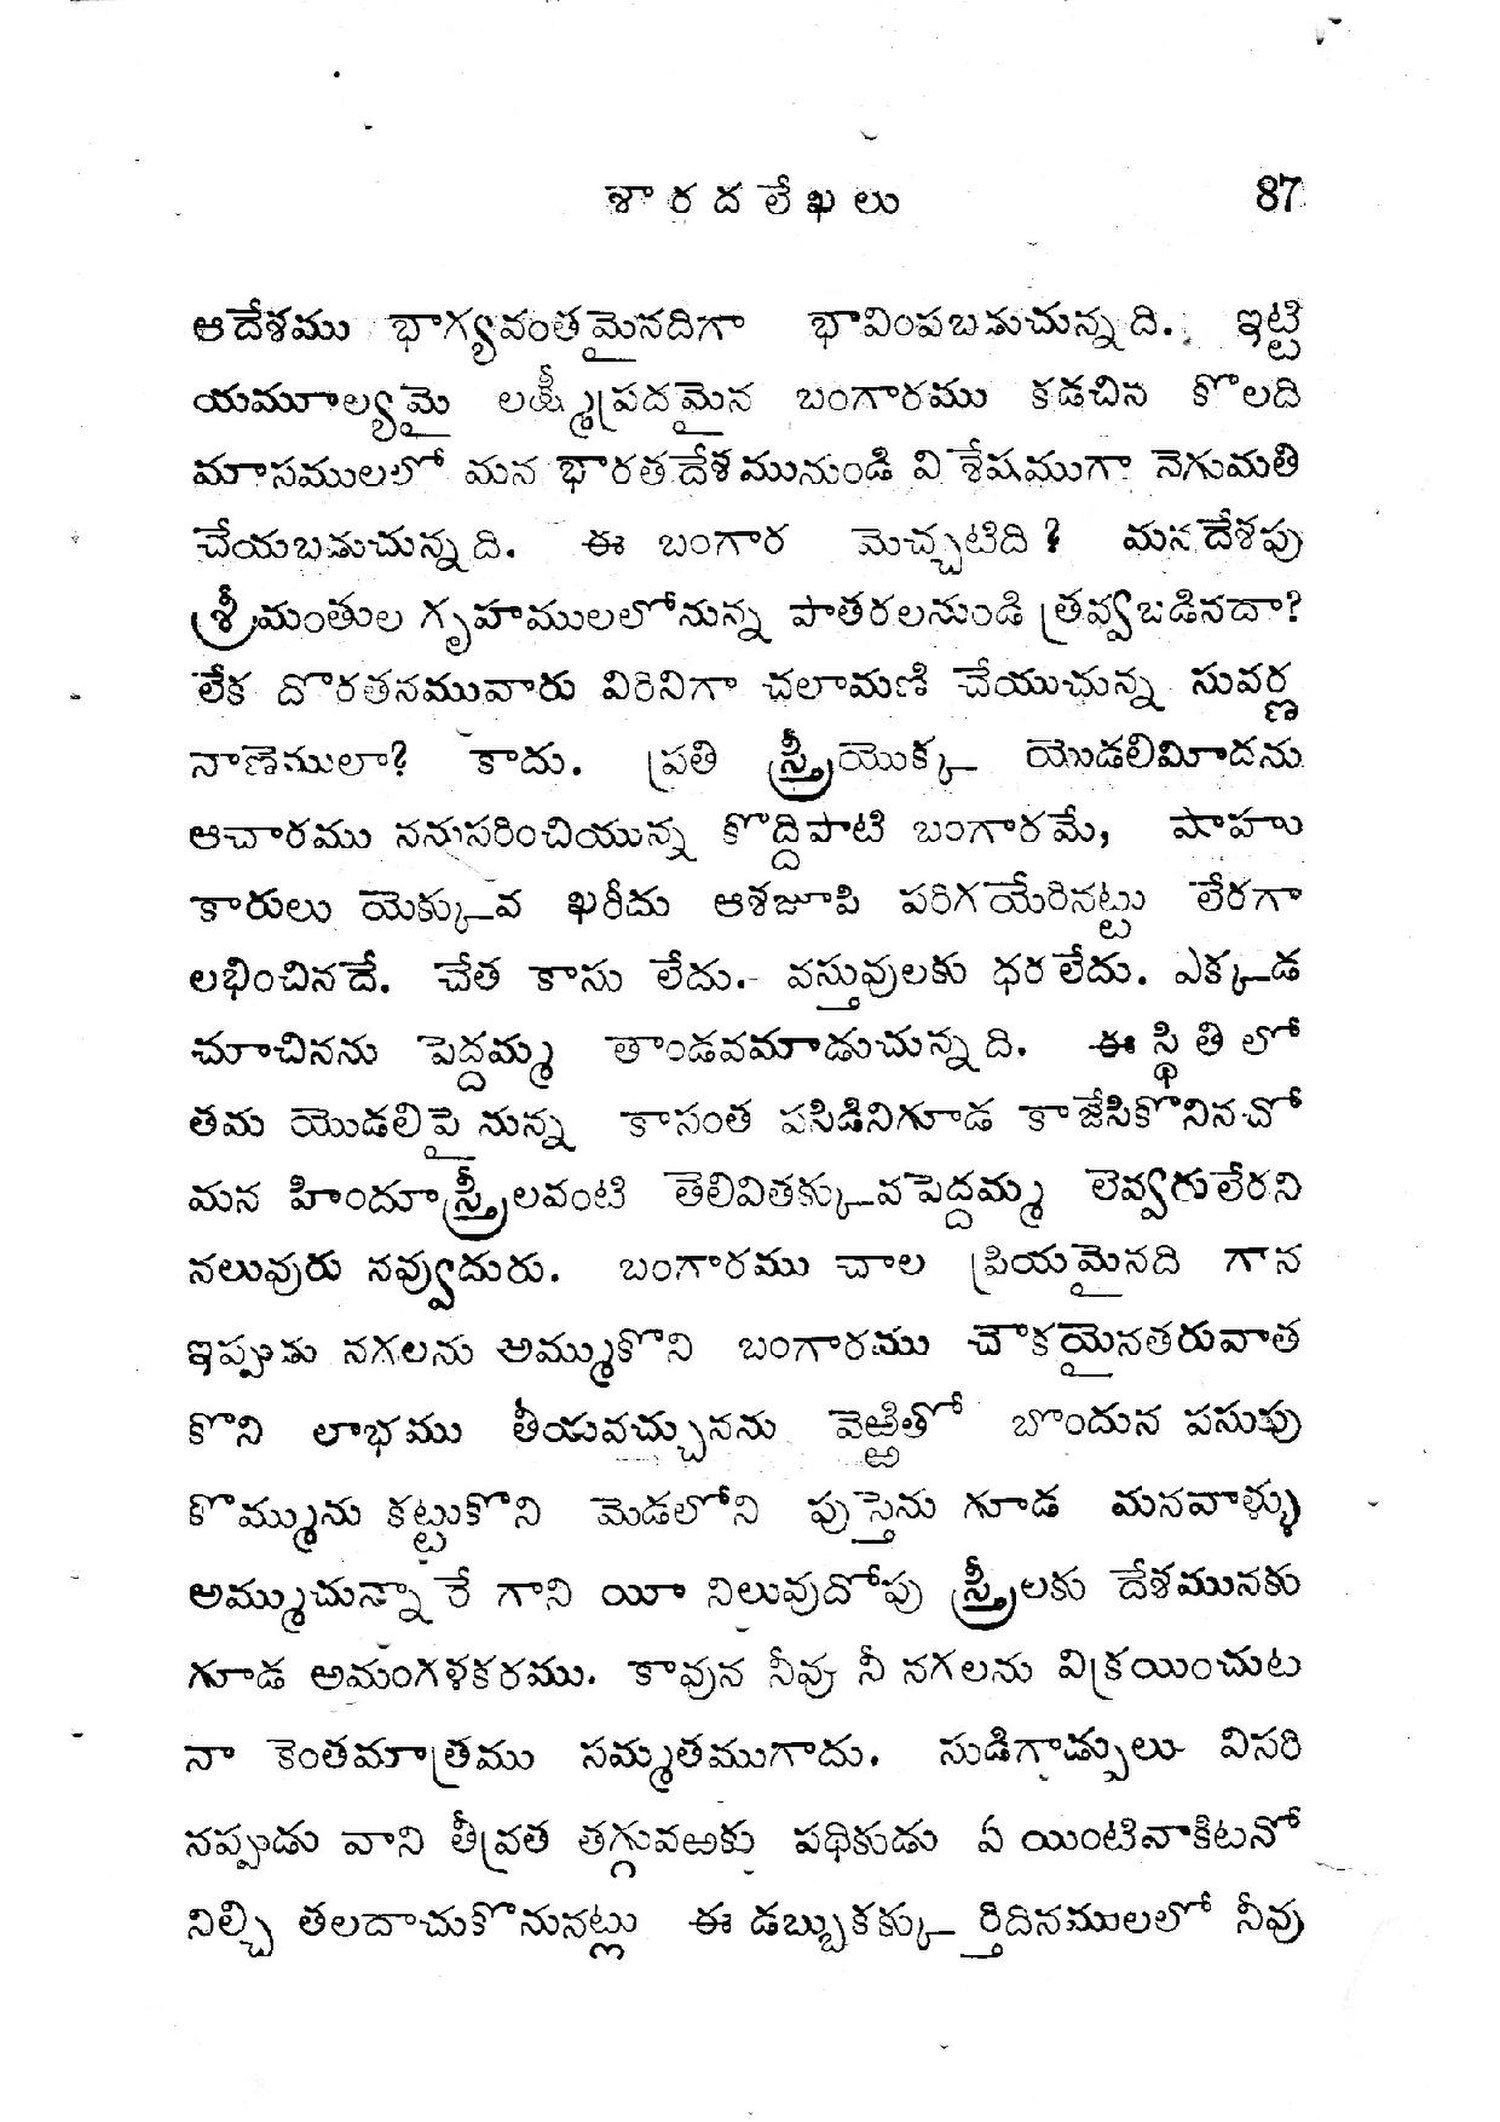ఆదేశము భాగ్యవంతమైనదిగా భావింపబడుచున్నది. ఇట్టి
యమూల్యమై లక్ష్మీప్రదమైన బంగారము కడచిన కొలది
మాసములలో మన భారత దేశమునుండి విశేషముగా నెగుమతి
చేయబడుచున్నది. ఈ బంగార మెచ్చటిది ? మన దేశపు
శ్రీమంతుల గృహములలోనున్న పాతరలనుండి త్రవ్వబడినదా?
లేక దొరతనమువారు విరినిగా చలామణి చేయుచున్న సువర్ణ
నాణెములా? కాదు. ప్రతి స్త్రీ యొక్క యొడలిమీదను
ఆచారము ననుసరించియున్న కొద్దిపాటి బంగారమే,షాహు
కారులు యెక్కువ ఖరీదు ఆశజూపి పరిగయేరినట్టు లేరగా
లభించినదే. చేత కాసు లేదు. వస్తువులకు ధర లేదు. ఎక్కడ
చూచినను పెద్దమ్మ తాండవమాడుచున్నది. ఈ స్థితిలో
తమ యొడలిపై నున్న కాసంత పసిడినిగూడ కాజేసికొనినచో
మన హిందూ స్త్రీలవంటి తెలివితక్కువ పెద్దమ్మ లెవ్వరు లేరని
నలువురు నవ్వుదురు. బంగారము చాల ప్రియమైనది గాన
ఇప్పుడు నగలను అమ్ముకొని బంగారము చౌకయైన తరువాత
కొని లాభము తీయవచ్చునను వెఱ్ఱితో బొందున పసుపు
కొమ్మును కట్టుకొని మెడలోని పుస్తెను గూడ మనవాళ్ళు
అమ్ముచున్నారే గాని యీ నిలువుదోపు స్త్రీలకు దేశమునకు
గూడ అమంగళకరము. కావున నీవు నీ నగలను విక్రయించుట
నా కెంతమాత్రము సమ్మతముగాదు. సుడిగాడ్పులు విసరి
నప్పుడు వాని తీవ్రత తగ్గువఱకు పథికుడు ఏ యింటివాకిటనో
నిల్చి తలదాచుకొనునట్లు ఈ డబ్బుకక్కు దినములలో నీవు